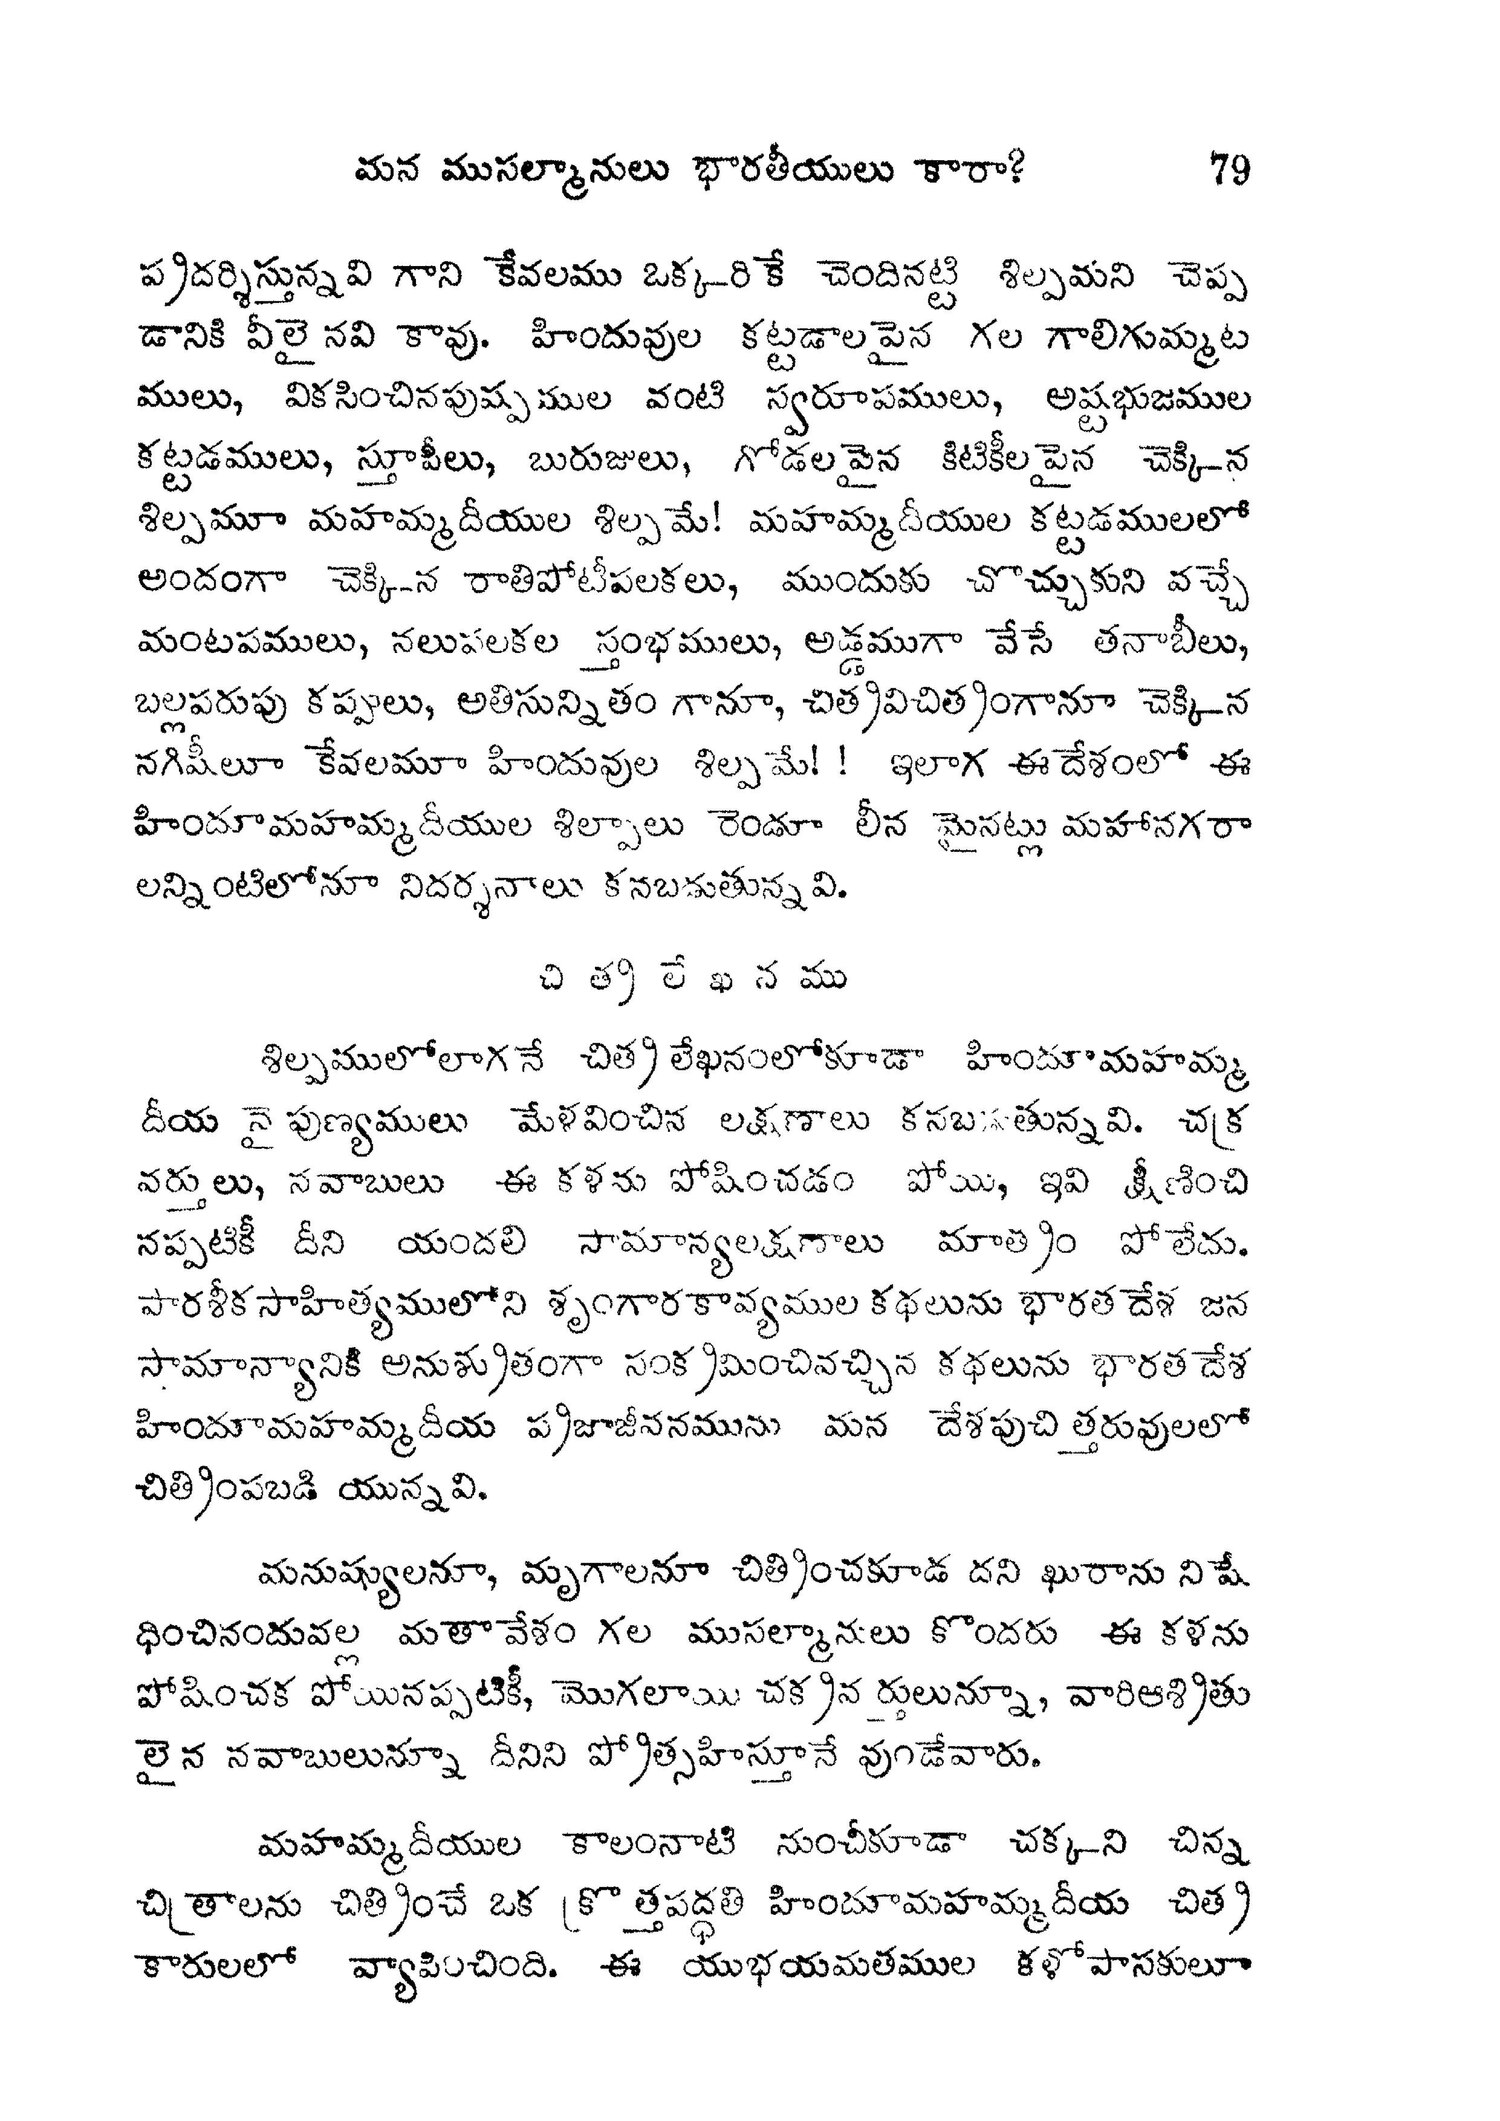ప్రదర్శిస్తున్నవి గాని కేవలము ఒక్కరికే చెందినట్టి శిల్పమని చెప్పడానికి వీలైనవి కావు. హిందువుల కట్టడాలపైన గల గాలిగుమ్మటములు, వికసించినపుష్పముల వంటి స్వరూపములు, అష్టభుజముల కట్టడములు, స్తూపీలు, బురుజులు, గోడలపైన కిటికీలపైన చెక్కిన శిల్పమూ మహమ్మదీయుల శిల్పమే! మహమ్మదీయుల కట్టడములలో అందంగా చెక్కిన రాతిపోటీపలకలు, ముందుకు చొచ్చుకుని వచ్చే మంటపములు, నలుపలకల స్తంభములు, అడ్డముగా నేసే తనాబీలు, బల్లపరుపు కప్పులు, అతిసున్నితంగానూ, చిత్రవిచిత్రంగానూ చెక్కిన నగిషీలూ కేవలమూ హిందువుల శిల్పమే!! ఇలాగ ఈదేశంలో ఈ హిందూ మహమ్మదీయుల శిల్పాలు రెండూ లీన మైనట్లు మహానగరాలన్నింటిలోనూ నిదర్శనాలు కనబడుతున్నవి.

శిల్పములోలాగనే చిత్రలేఖనములోకూడా హిందూమహమ్మదీయ నైపుణ్యములు మేళవించిన లక్షణాలు కనబడుతున్నవి. చక్రవర్తులు, నవాబులు ఈకళను పోషించడంపోయి, ఇవి క్షీణించినప్పటికీ దీని యందలి సామాన్యలక్షణాలు మాత్రం పోలేదు. పారశీకసాహిత్యములోని శృంగారకావ్యముల కధలును భారతదేశ జనసామాన్యానికి అనుశ్రుతంగా సంక్రమించివచ్చిన కధలను భారతదేశ హిందూమహమ్మదీయ ప్రజాజీవనమును మన దేశపుచిత్తరువులలో చిత్రింపబడి యున్నవి.

మనుష్యులనూ మృగాలనూ చిత్రించకూడ దని ఖురాను నిషేధించినందువల్ల మతావేశంగల ముసల్మానులు కొందరు ఈకళను పోషించక పోయినప్పటికీ, మొగలాయి చక్రవర్తులున్నూ, వారిఆశ్రితులైన నవాబులున్నూ దీనిని ప్రొత్సహిస్తూనే వుండేవారు.

మహమ్మదీయుల కాలంనాటి నుంచీకూడా చక్కని చిన్న చిత్రాలను చిత్రించే ఒక కొత్తపద్ధతి హిందూమహమ్మదీయ చిత్రకారులలో వ్యాపించింది. ఈ యుభయమతముల కళోపాసకులూ